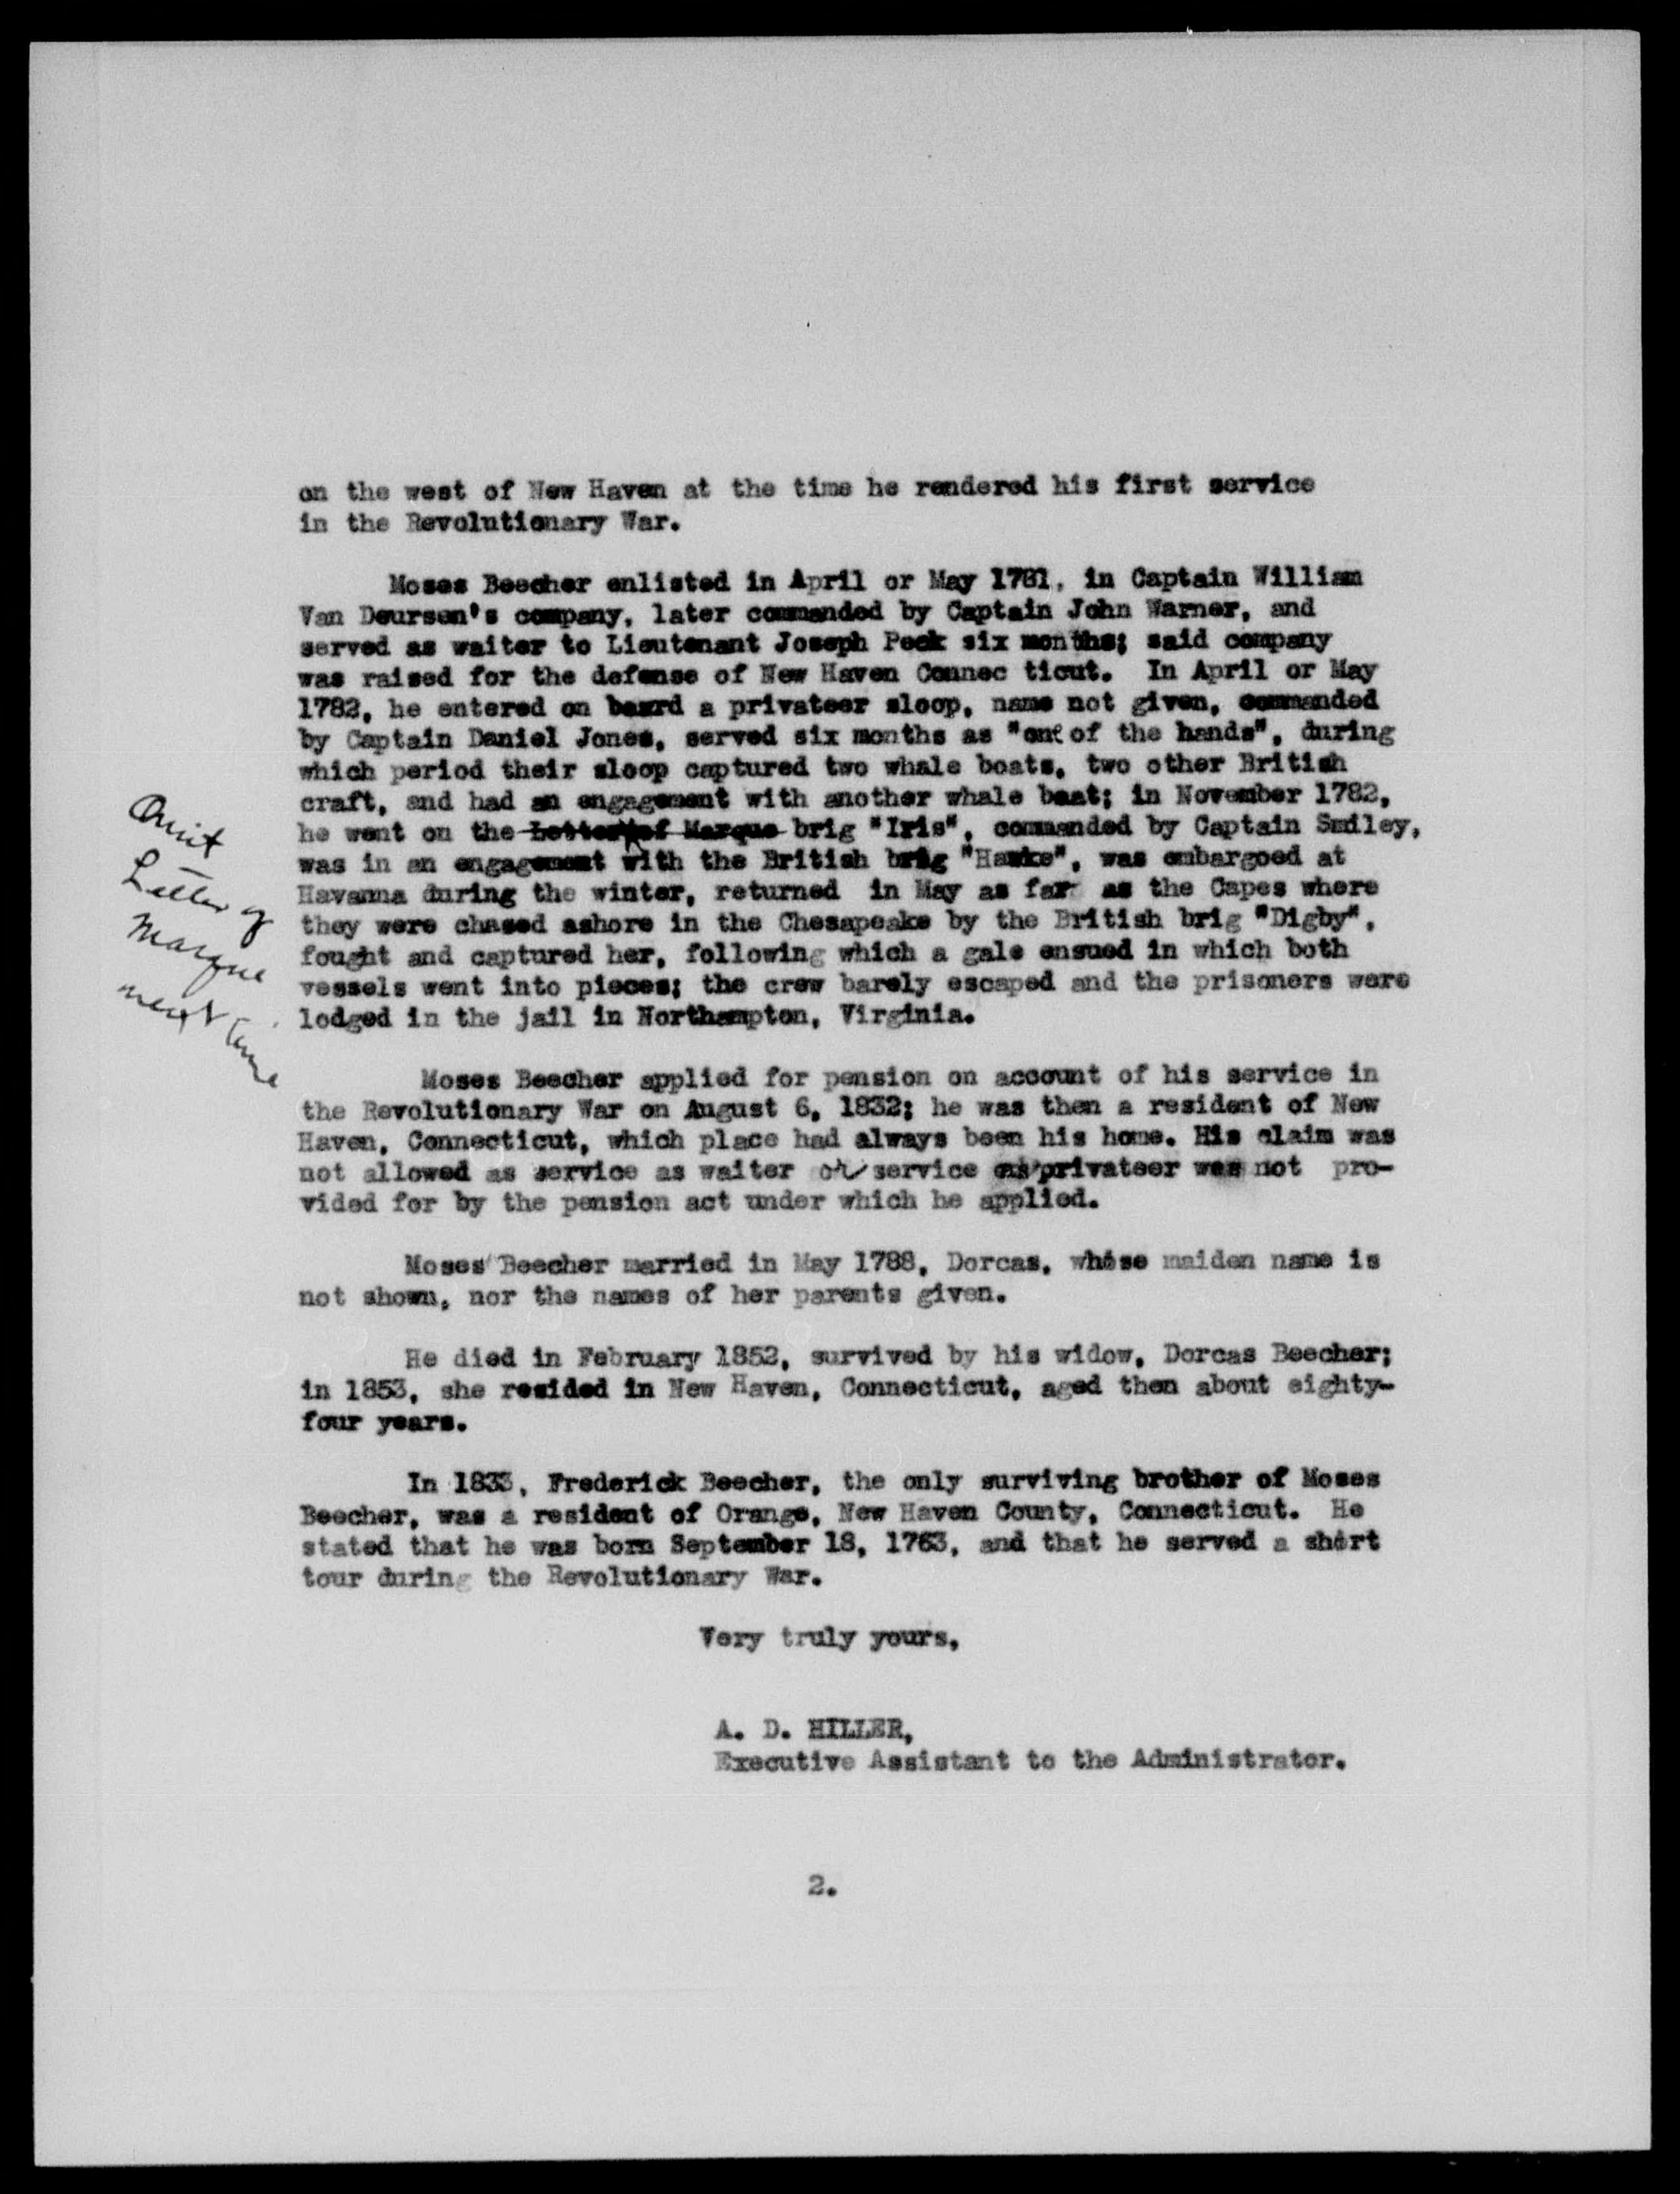on the west of New Haven at the time he rendered his first service in the Revolutionary War.
Moses Beecher enlisted in April of May 1781, in Captain William Van Deursen's company, later commanded by Captain John Warner, and served as waiter to Lieutenant Joseph Peck six months; said company was raised for the defense of New Haven Connecticut. In April of May 1782, he entered on board a privateer sloop, name not given, commanded by Captain Daniel Jones, served six months as "one of the hands" during which period their sloop captured two whale boats, two other British craft, and had an engagement with another whale boat; in November 1782, he went on the [Omit Letter of Marque next time] brig "Iris", commanded by Captain Smiley, was in an engagement with the British brig "Hawke" was embargoed at Havanna during the winter, returned in May as far as the Capes where they were chased ashore in the Chesapeake by the British brig "Digby", fought and captured her, following which a gale ensued in which both vessels went into pieces; the crew barely escaped and the prisoners were lodged in the jail in Northampton, Virginia.
Moses Beecher applied for pension on account of his service in the Revolutionary War on August 6, 1832; he was then a resident of New Haven, Connecticut, which place had always been his home. His claim was not allowed as service as waiter or as privateer was not provided for by the pension act under which he applied.
Moses Beecher married in May 1788, Dorcas, whose maiden name is not shown, nor the hames of her parents given.
He died in February 1852, survived by his widow, Dorcas Beecher; in 1853, she resided in New Haven, Connecticut, aged then about eighty-four years.
In 1835, Frederick Beecher, the only surviving brother of Moses Beecher, was a resident of Orange, New Haven County, Connecticut. He stated that he was born September 18, 1763, and that he served a short tour during the Revolutionary War.
Very truly yours,
A.D. Hiller,
Executive Assistant to the Administrator.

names: Daniel Jones; Moses Beecher; Frederick Beecher; Joseph Peck; John Warner; [BLANK] Smiley; A D Hiller; Dorcas Beecher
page: 5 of 5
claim: bounty land warrant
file: B. L. Wt. 6118-100, for Jabez Lord, Connecticut